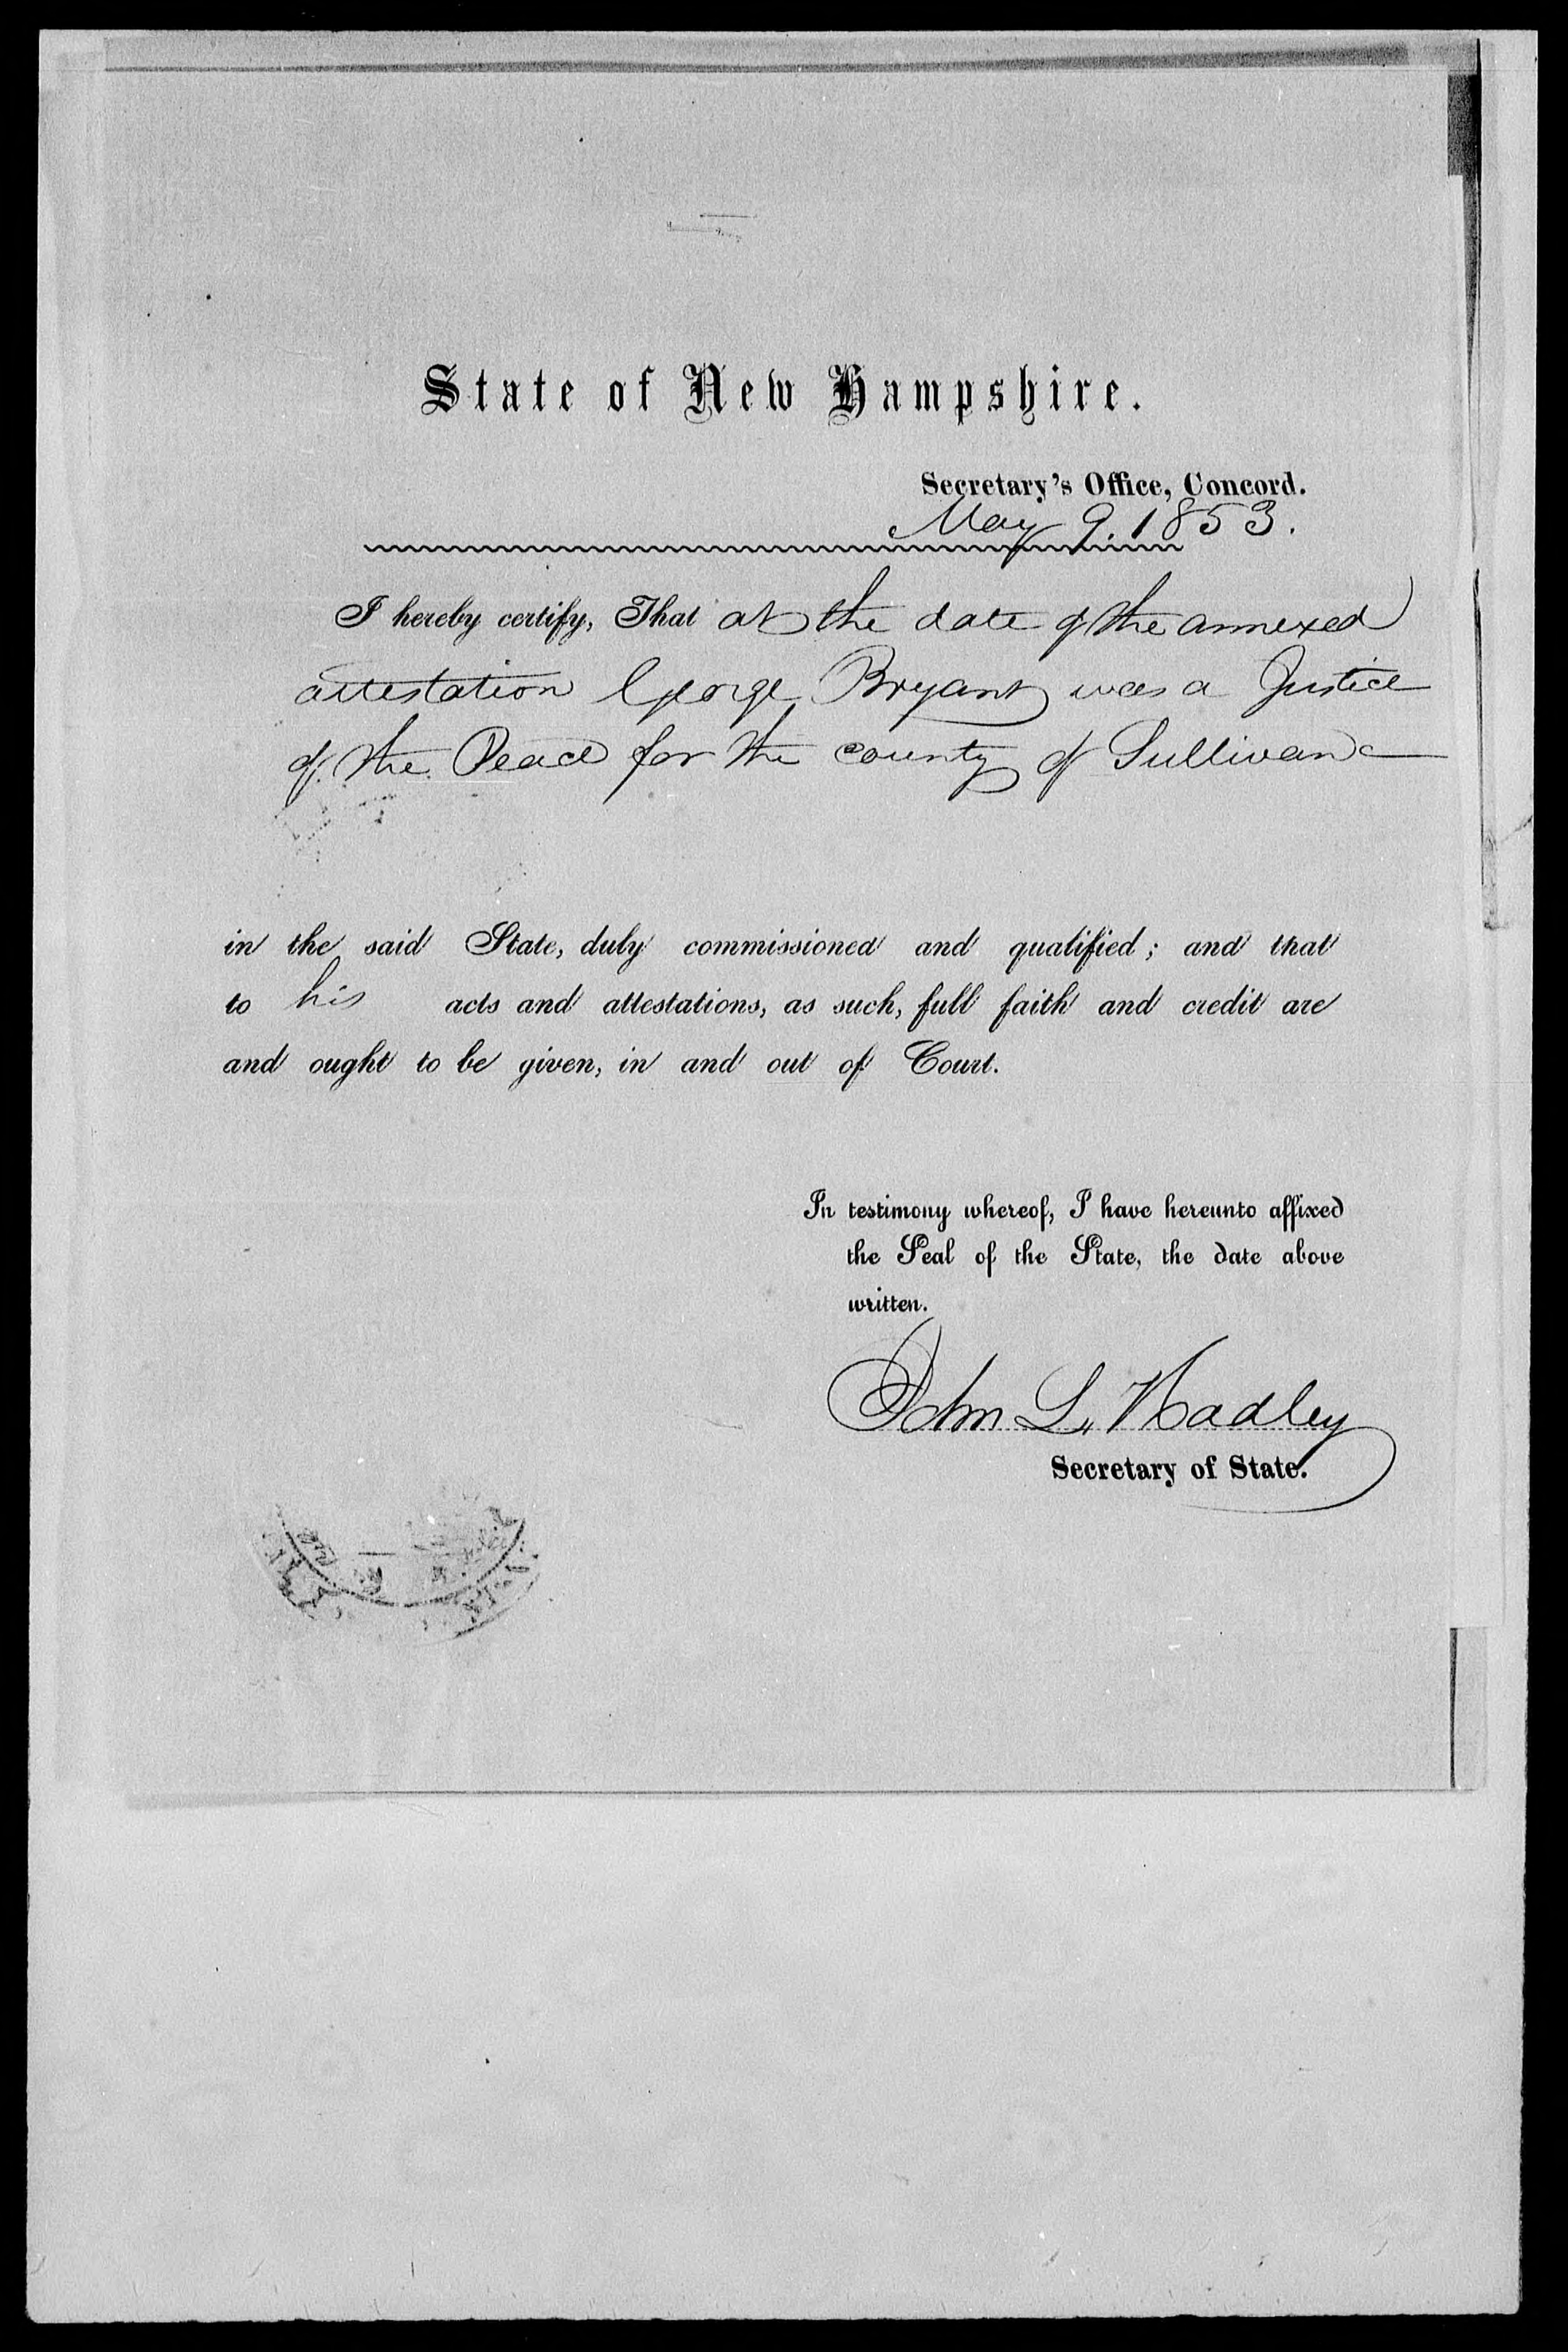State of New Hampshire.
Secretary's Office, Concord
May 9, 1853
I hereby certify, That at the date of the annexed attestation George Bryant was a Justice of the Peace for the County of Sullivan--
in the said State, duly commissioned and qualified; and that to his acts and attestations, as such, full faith and credit are and ought to be given, in and out of Court.

In testimony whereof, I have hereunto affixed the Seal of the State, the date above written.
[signed]John L. Hadley
Secretary of State.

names: George Bryant, John L Hadley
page: 11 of 43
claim: widow's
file: W 683, John Daniels, Continental Mass. N.H.